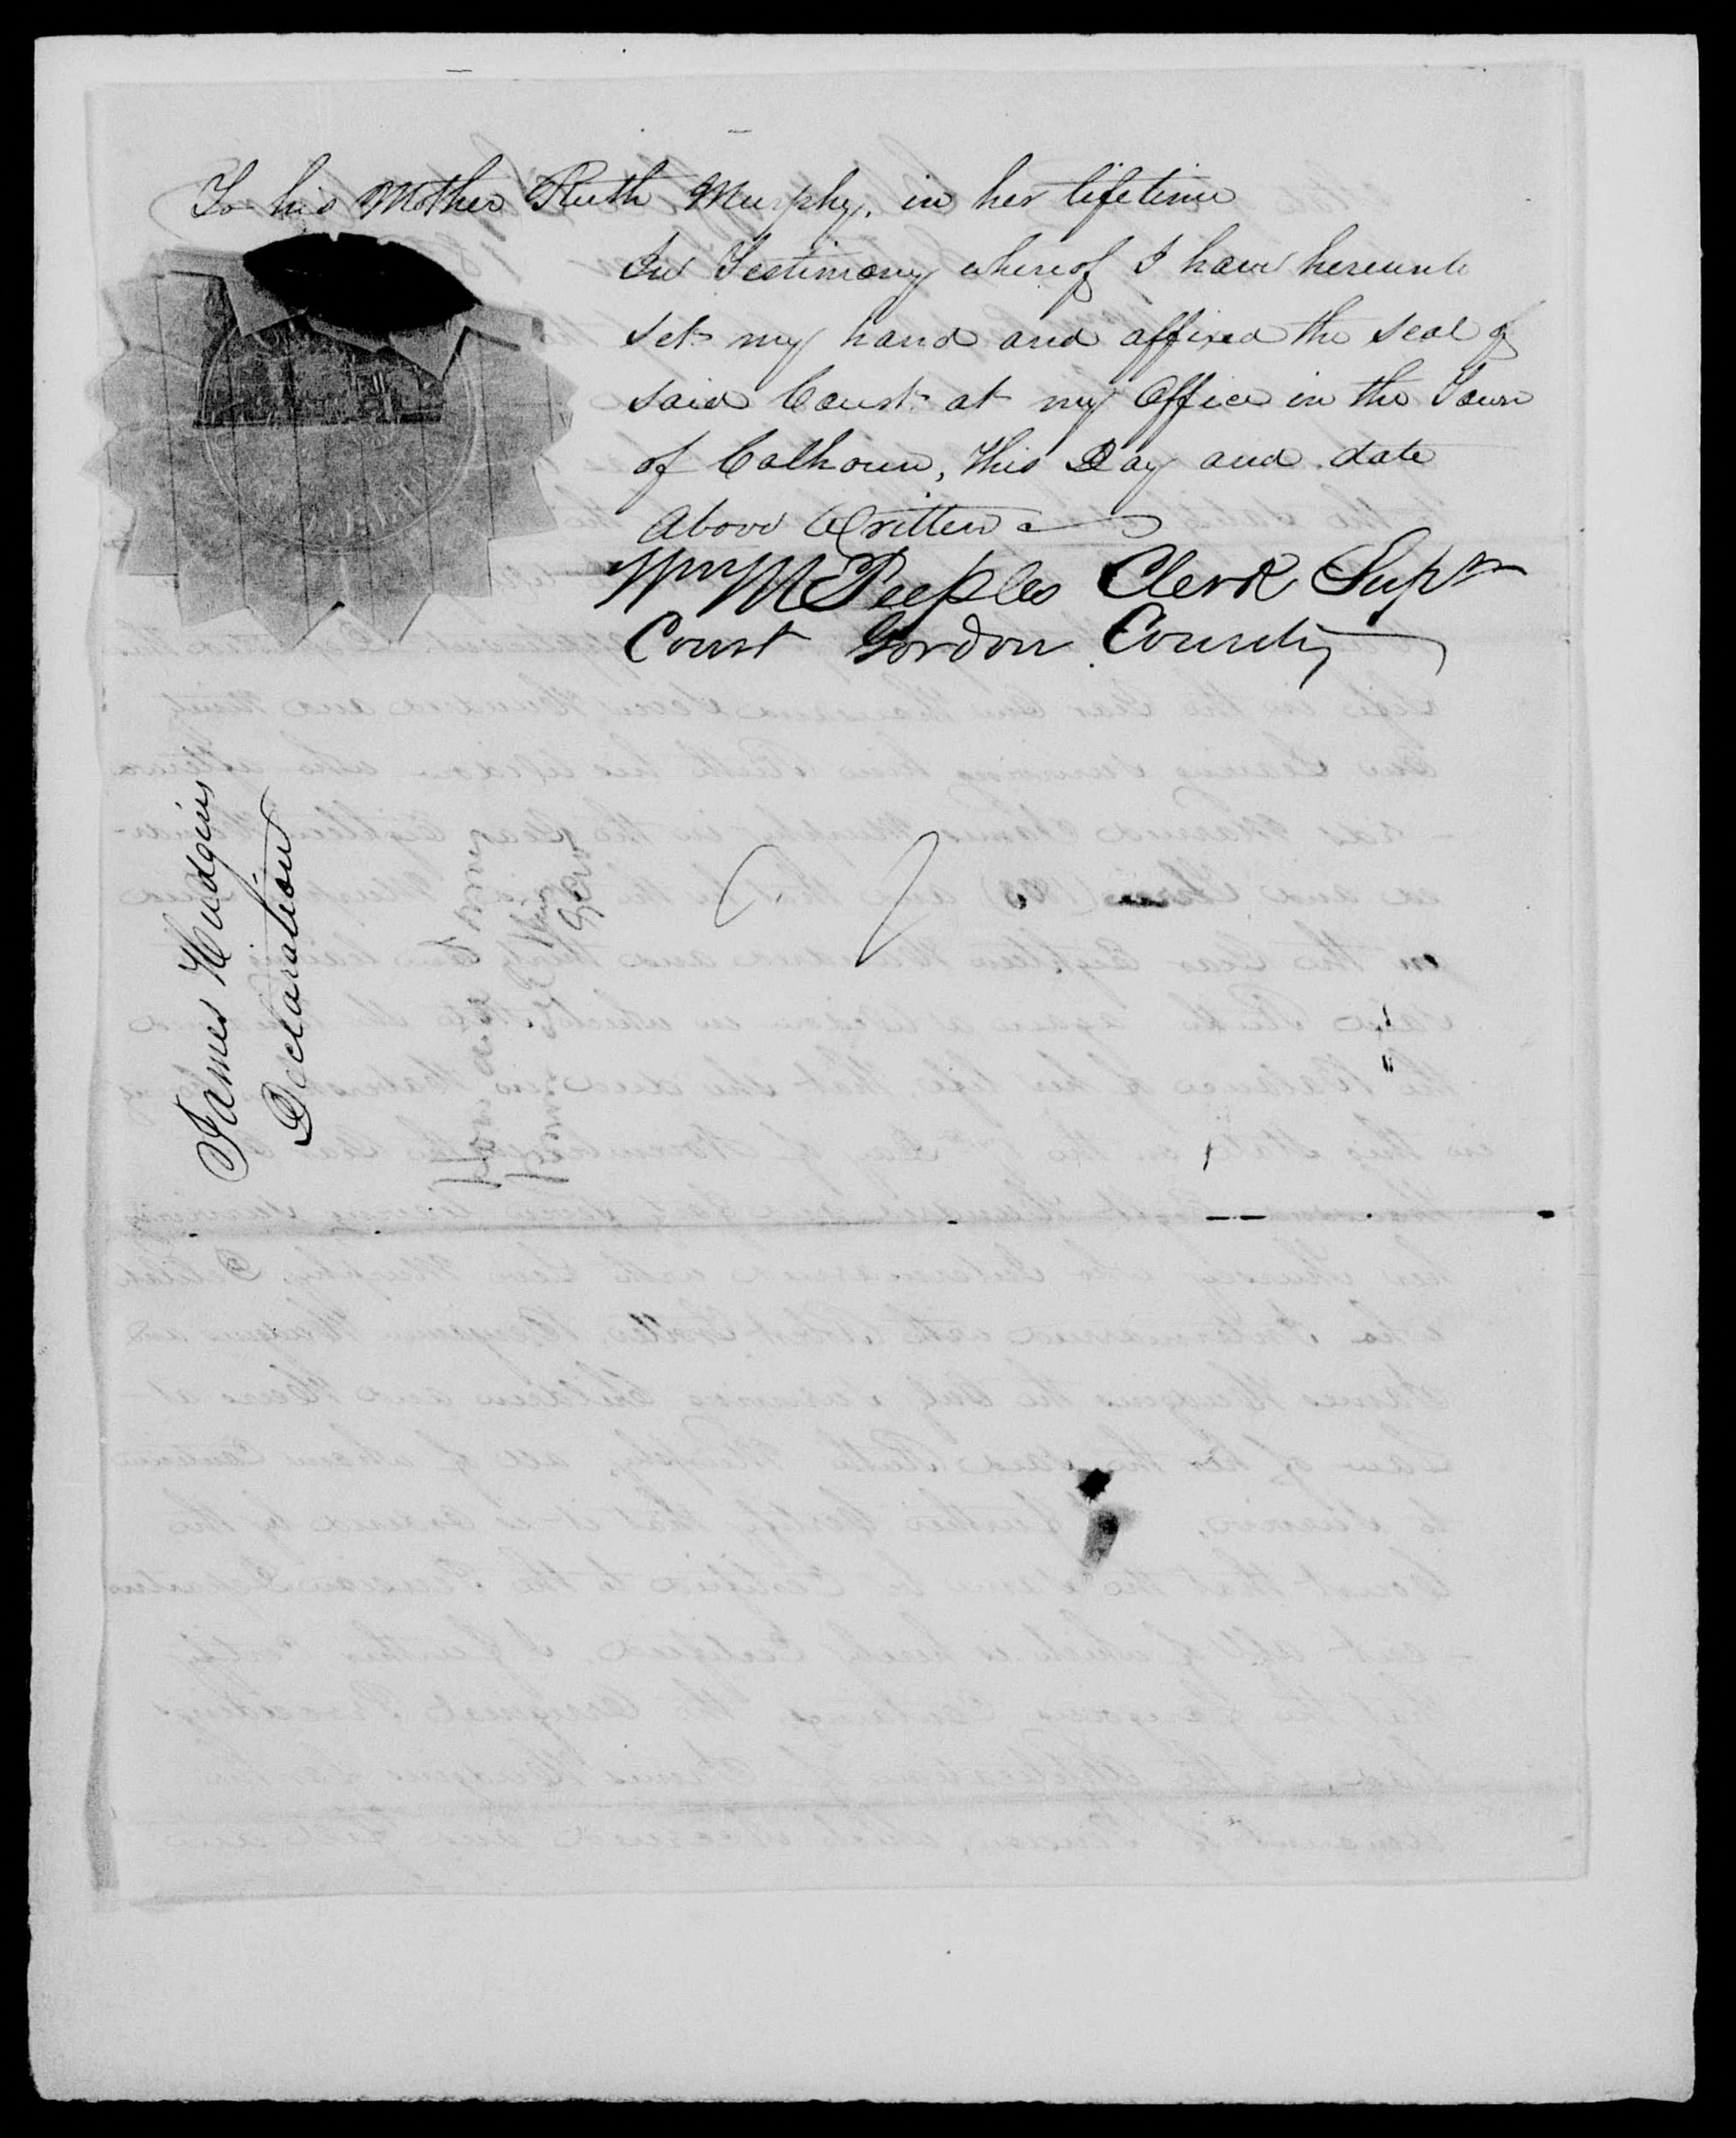To his mother Ruth Murphy, in her lifetime [?]
 testimony where of I have hereunto set my hand and affixed the seal of said [?] at my office in the [?] of Calhoun, this day and date of above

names: Ruth Murphy, James Hudgins, Wm M Peeples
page: 5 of 108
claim: rejected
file: R. 7,515, John Hudgins, N.C.